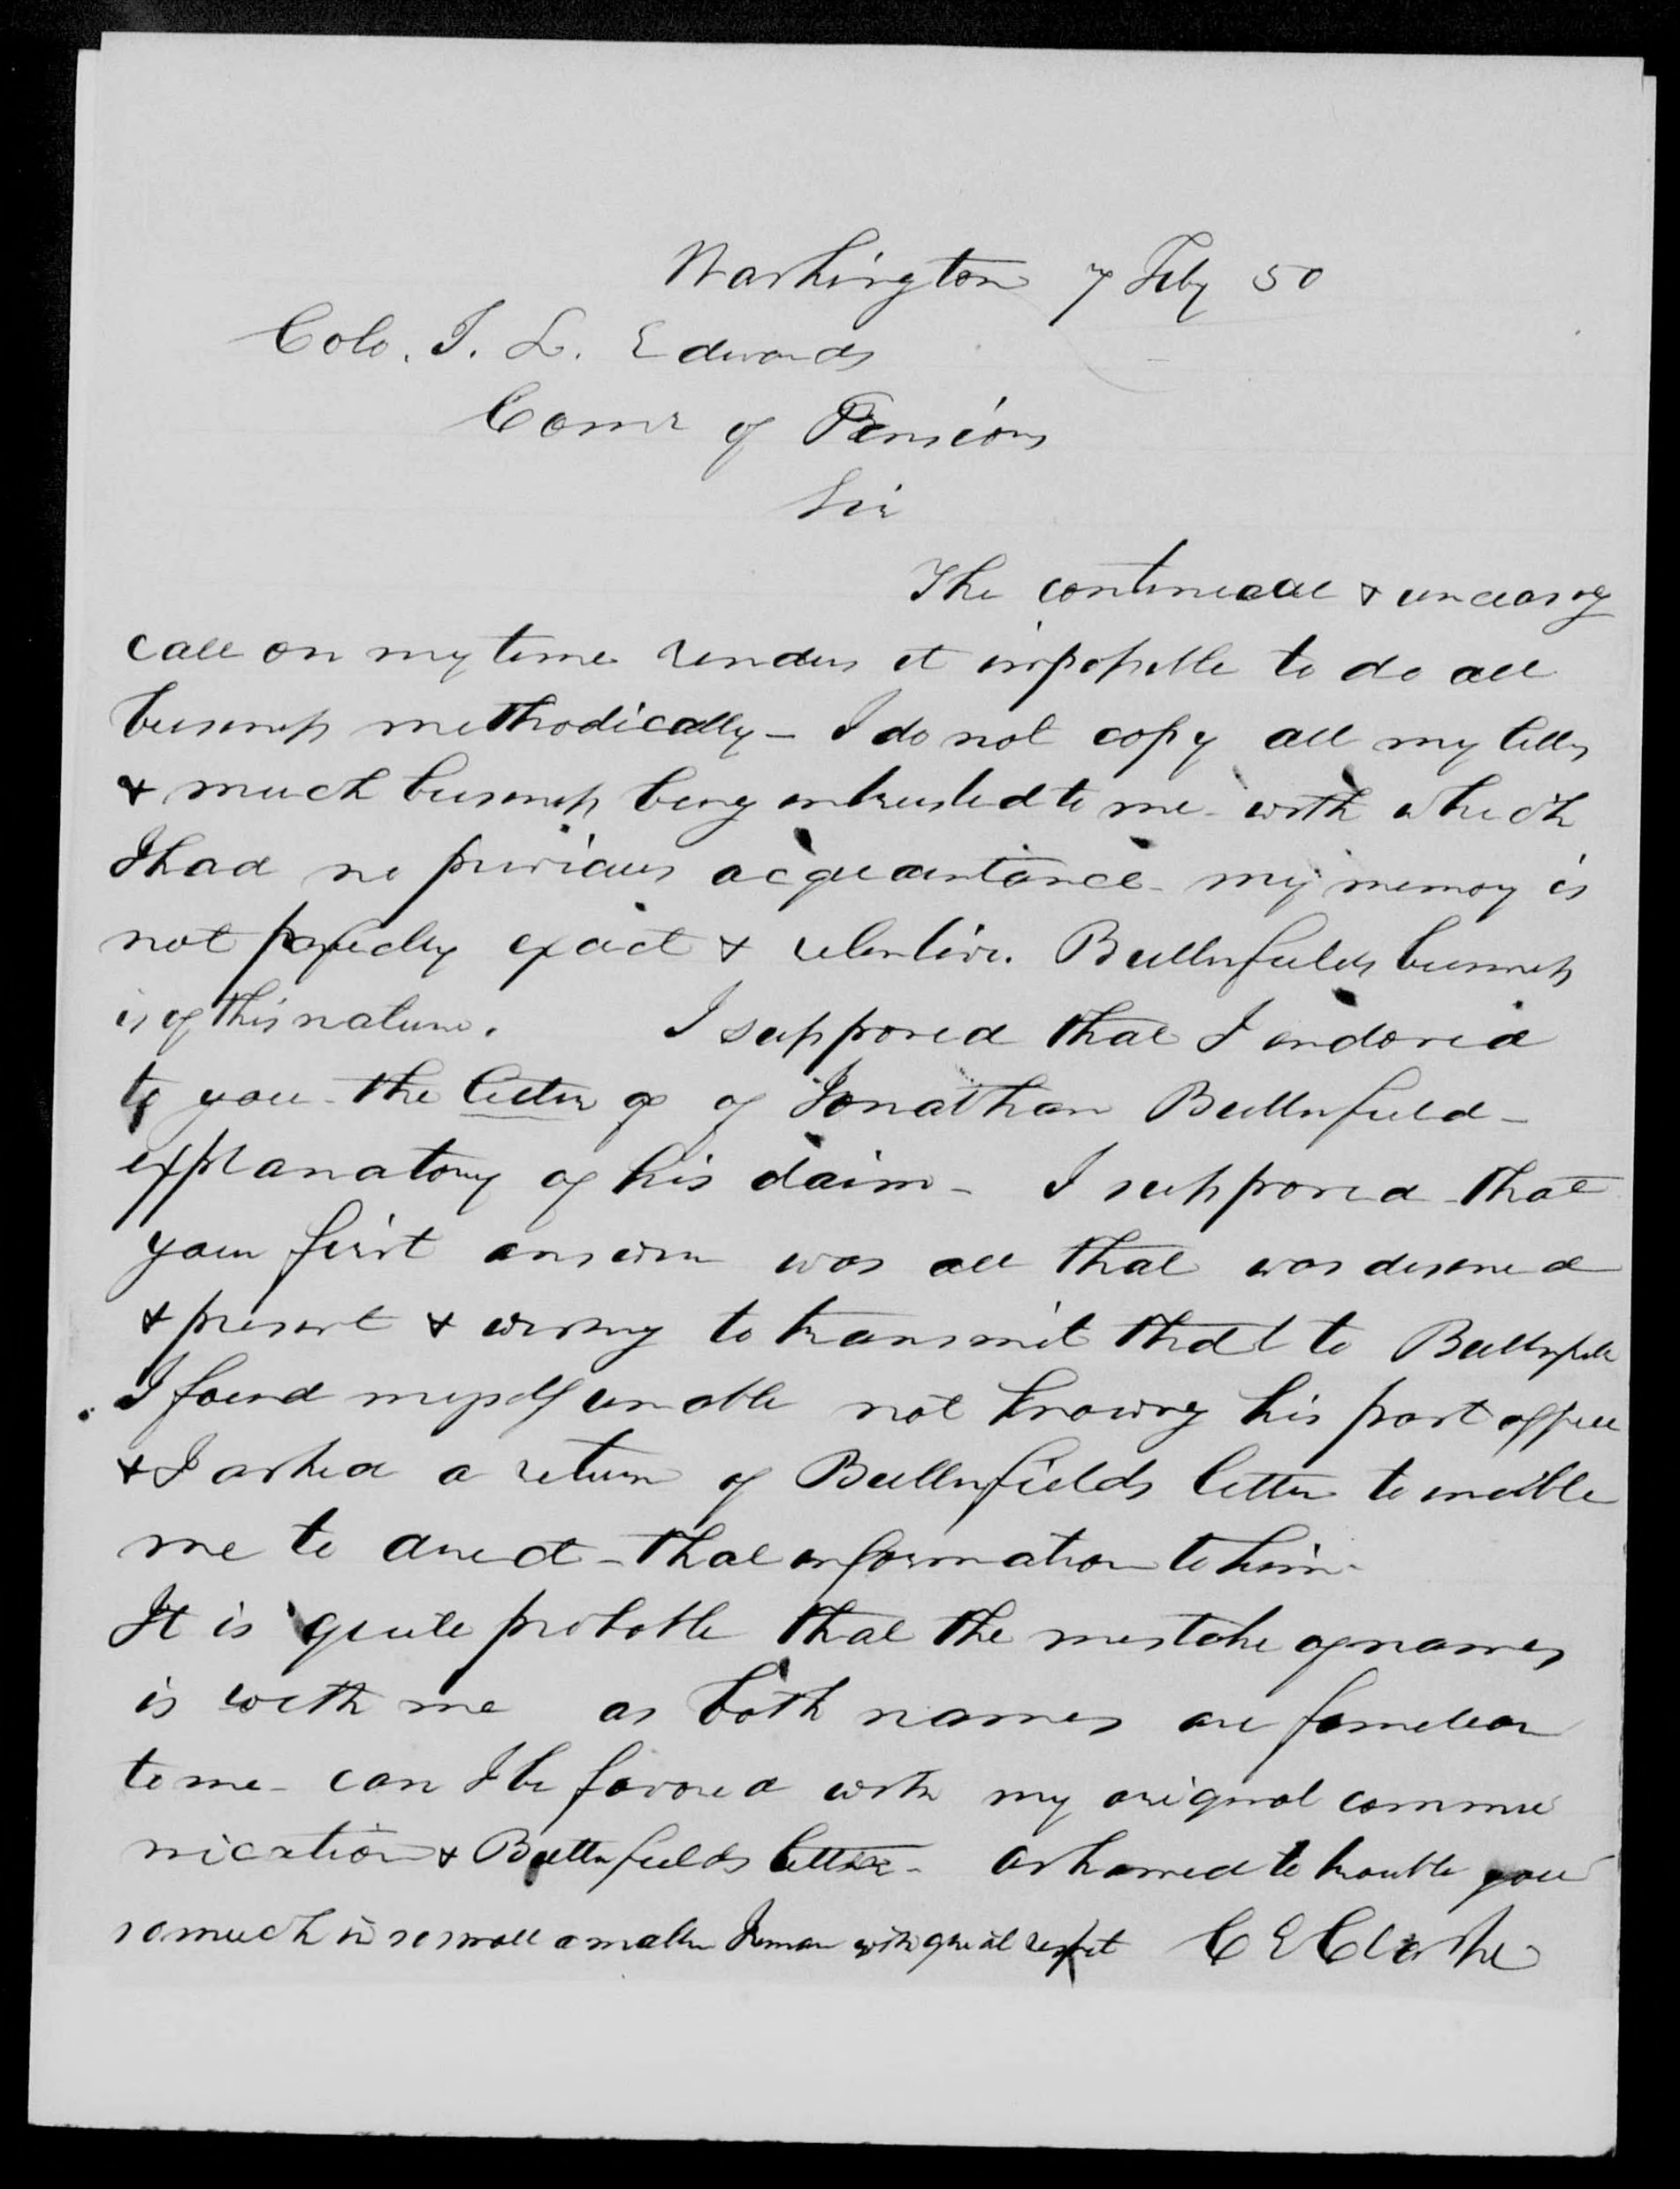Washington July 50
Colo. J.L. Edwards
Commissioner of Pensions
Sir
The continual & unnecessary call on my time renders it impossible to do all business methodically- I do not copy all my files & much business being entrusted to me with which had no previous acquaintance my memory is not safely exact & retentive. The Butterfield business is of this nature.
I supposed that I ordered to you the letter of Jonathan Butterfield explanatory of his claim. I supposed that your first concern was all that was needed and was all that was desired
& present & were to transmit that to Butterfield.
I found myself not knowing his his post office
& asked a return of Butterfield's letter to be
me to and that information to him.
It is quite probable that the mistake remains
is with me as both names are familiar to me. Can I be favored with my original communication and Butterfield's letter. I am much ashamed to trouble you so much in such a small matter.
C.E. Clarke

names: Butterfield, Butterfield, J L Edwards, Butterfield, C E Clarke, Butterfield, Jonathan Butterfield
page: 32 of 40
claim: rejected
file: R. 1558, Jonathan Butterfield, Mass. Vt.